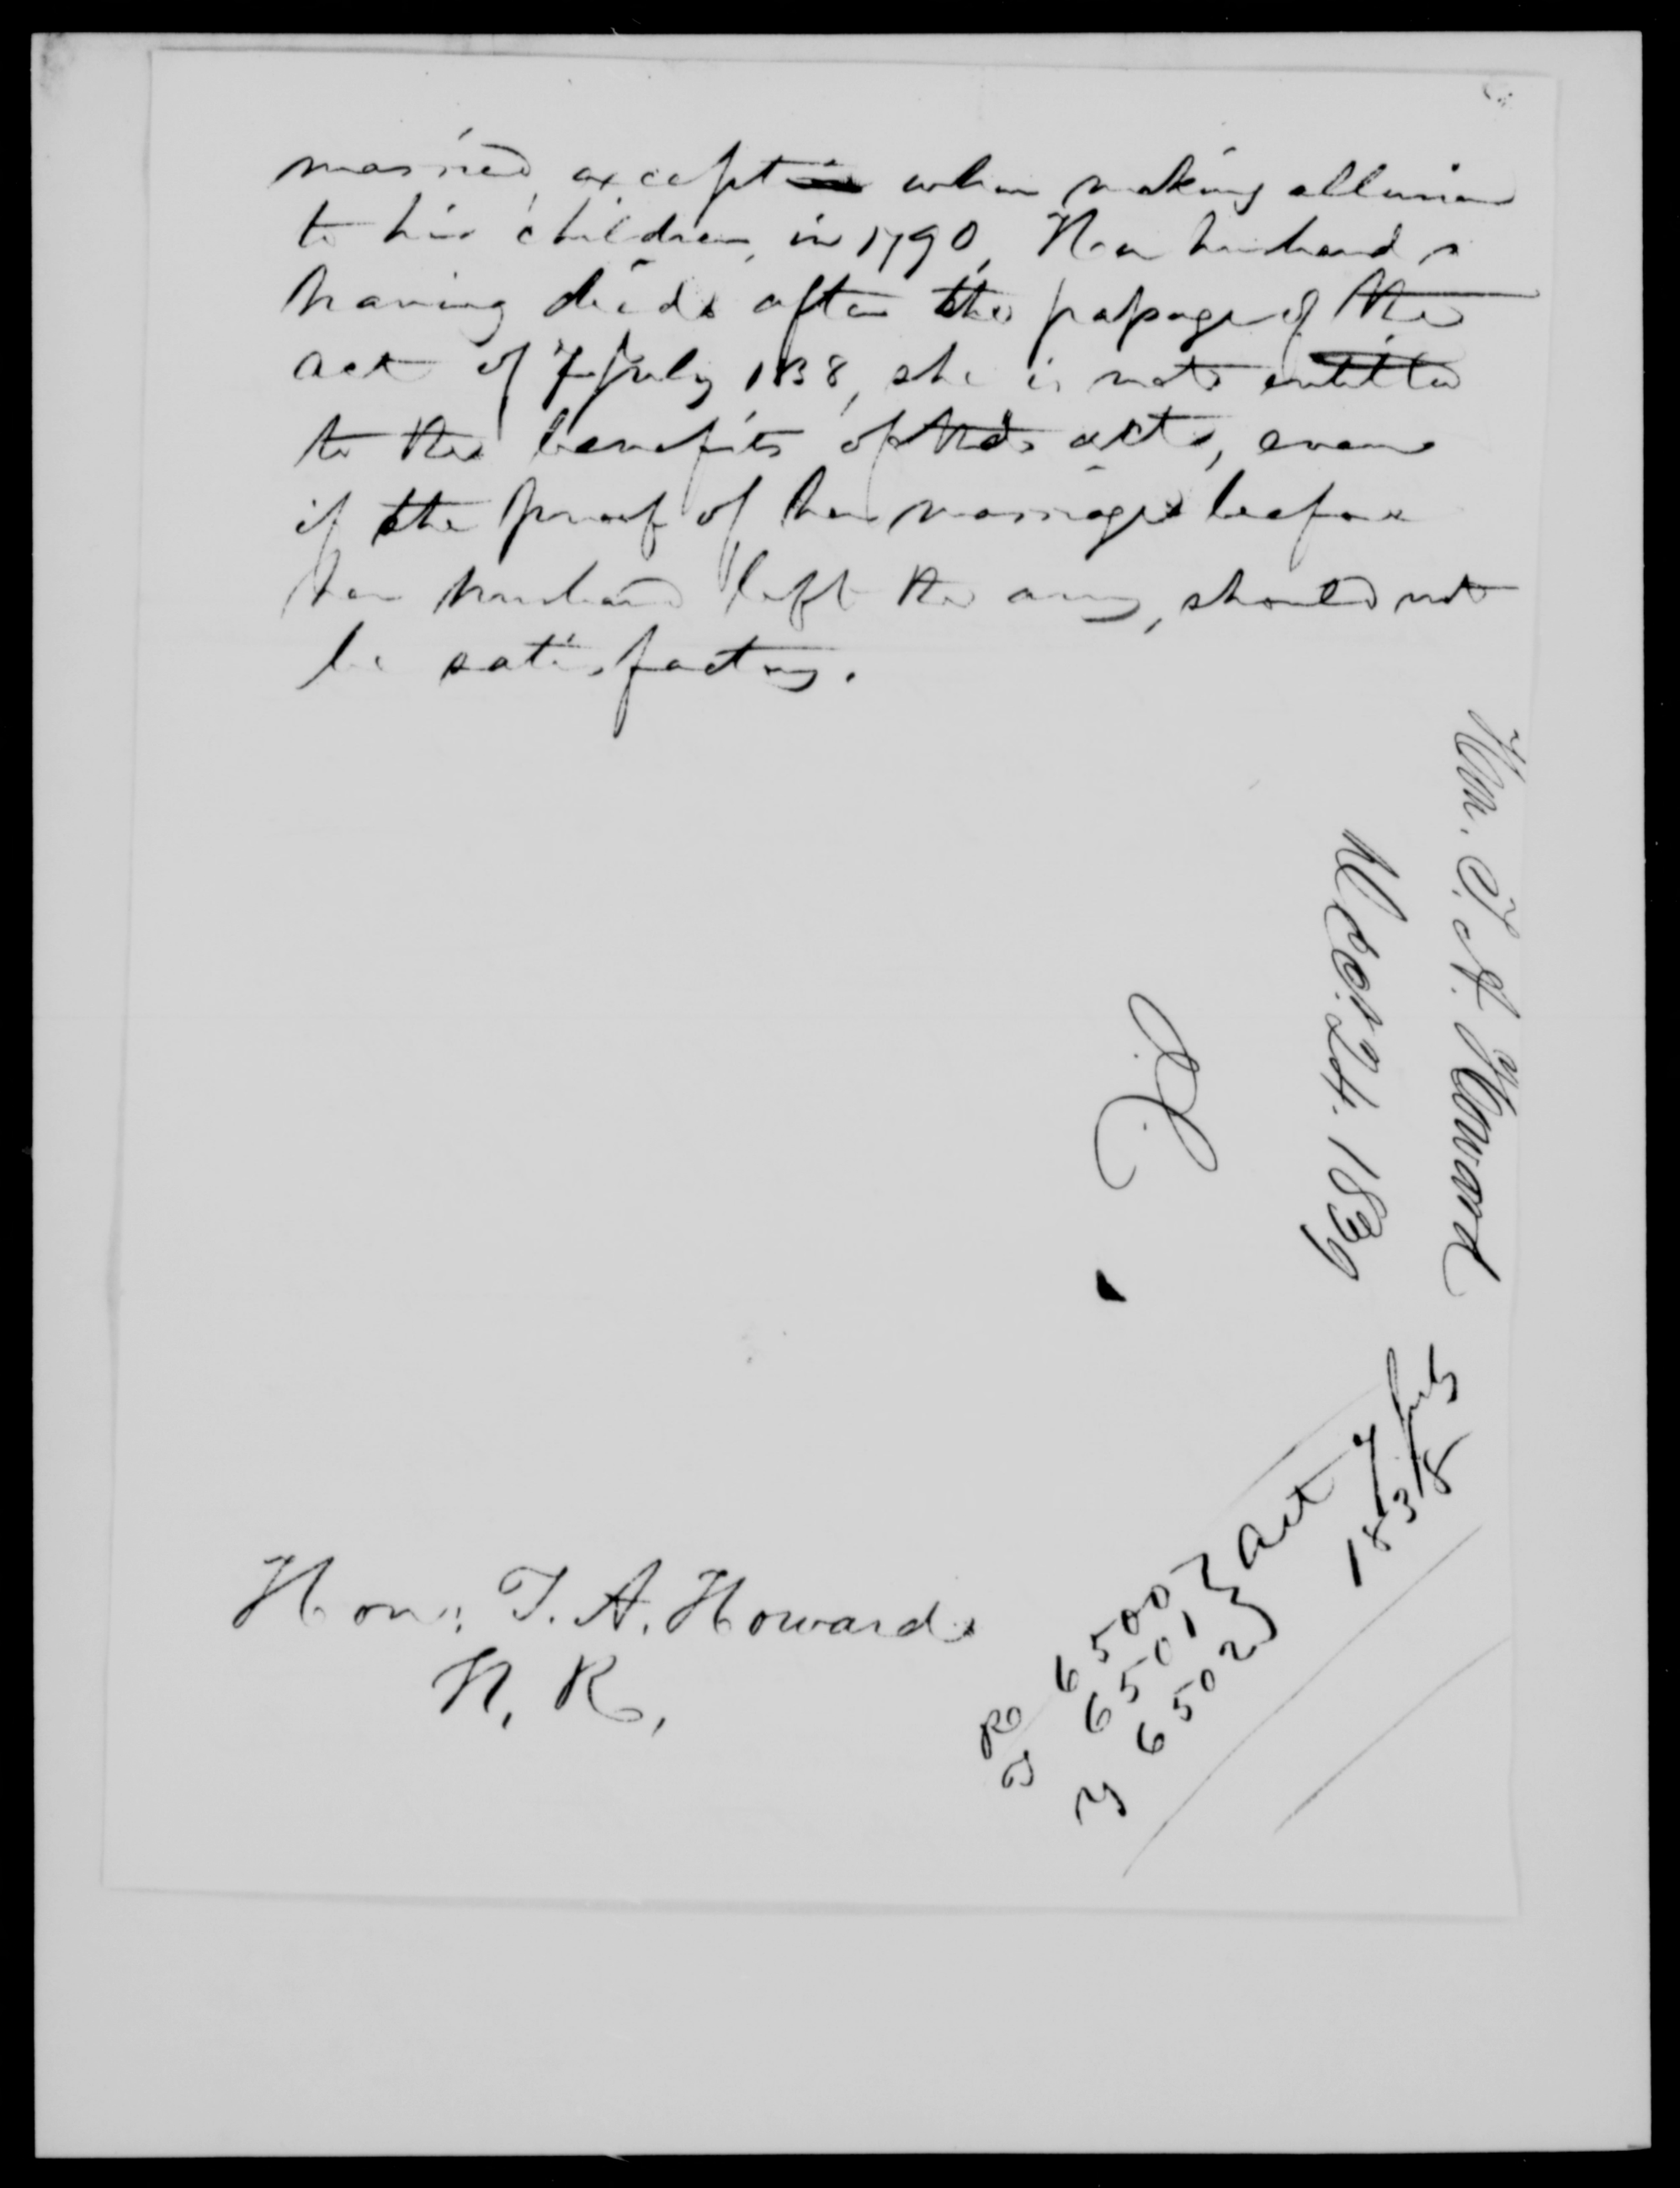married except when making allusion
to his children in 1790. Her husband
having died after the passage of the
act of 7 July 1838, she is not intitled
to the benefits of that act, even
if the proof of her marriage before
Her husband  left the army, should not
be satisfactory.
Hon T. A. Howard
Dec’r 24 1839
H. R.

Hon T. A. Howard
H. R.

Act 7 July 1838
R 6500
T 6500
Y 6502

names: T A Howard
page: 78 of 123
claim: rejected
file: R. 11,949, Matthias Young, Md.